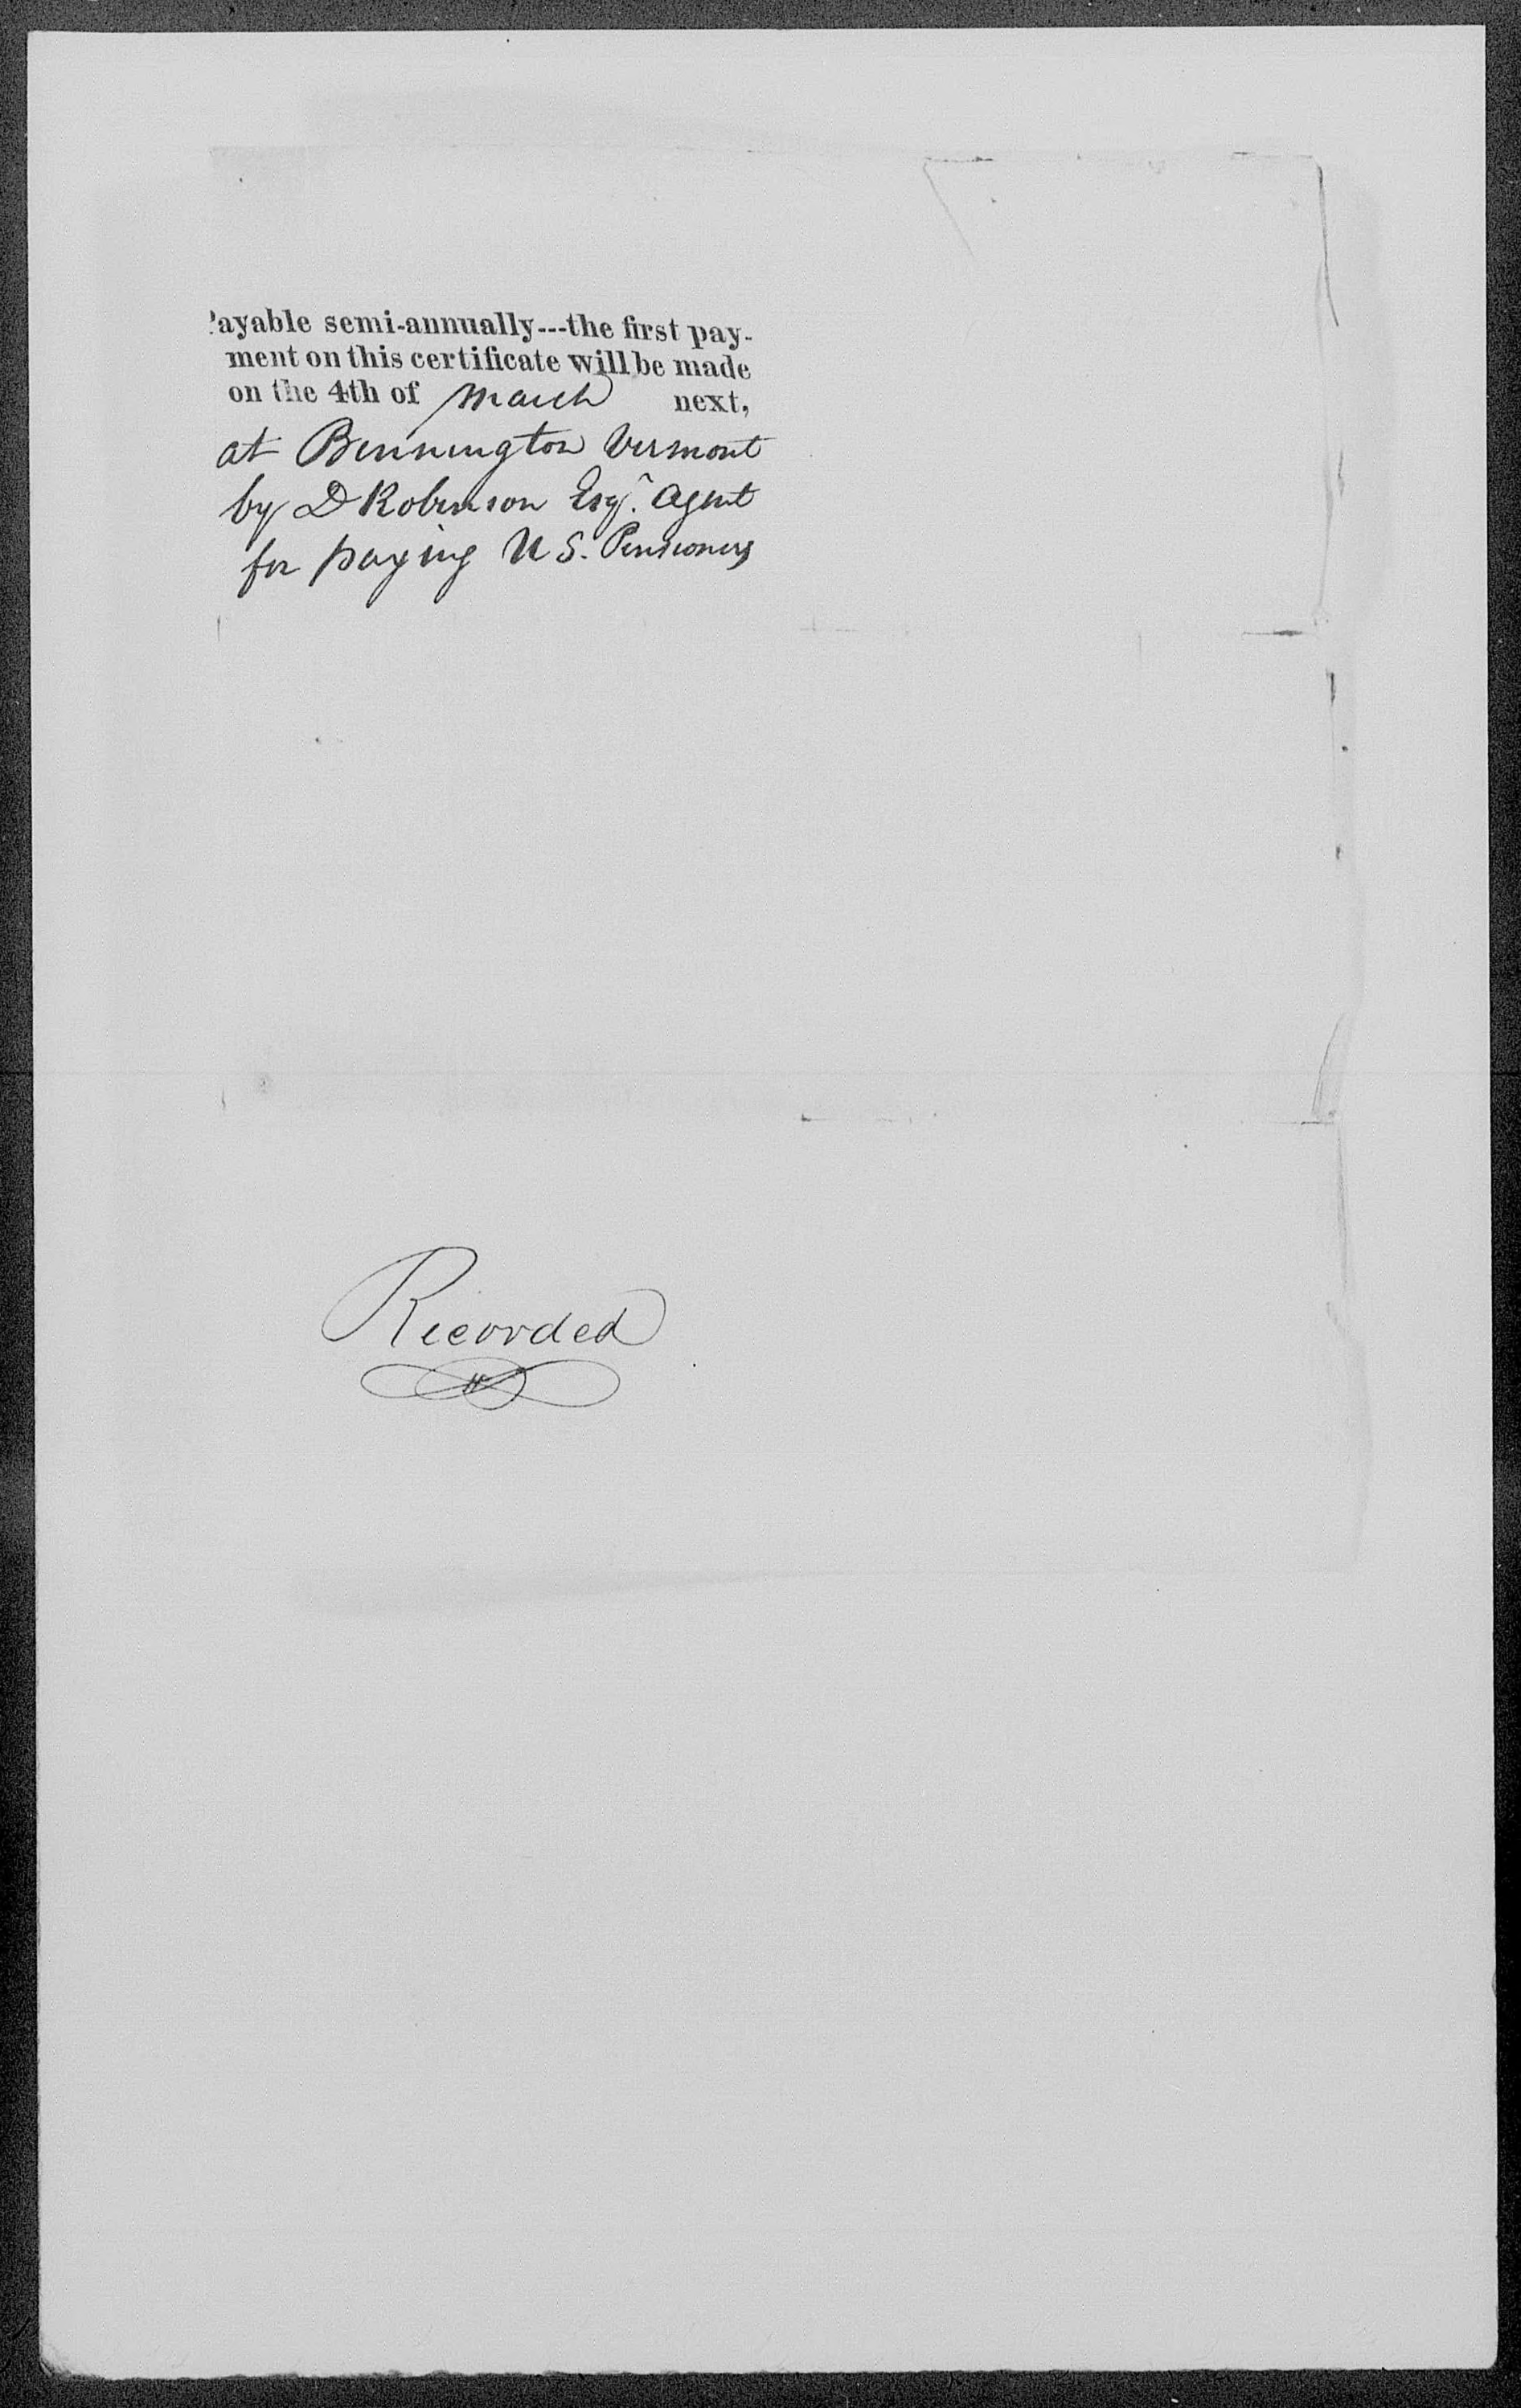Payable semi-annually--the first payment on this certificate will be made on the 4th of March next, at Bennington Vermont by D. Robinson Esq. agent for paying U.S. Pensioners

Recorded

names: D Robinson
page: 18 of 83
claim: widow's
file: W. 10,384, Oliver Barrett, Continental (Vt.) N.Y.